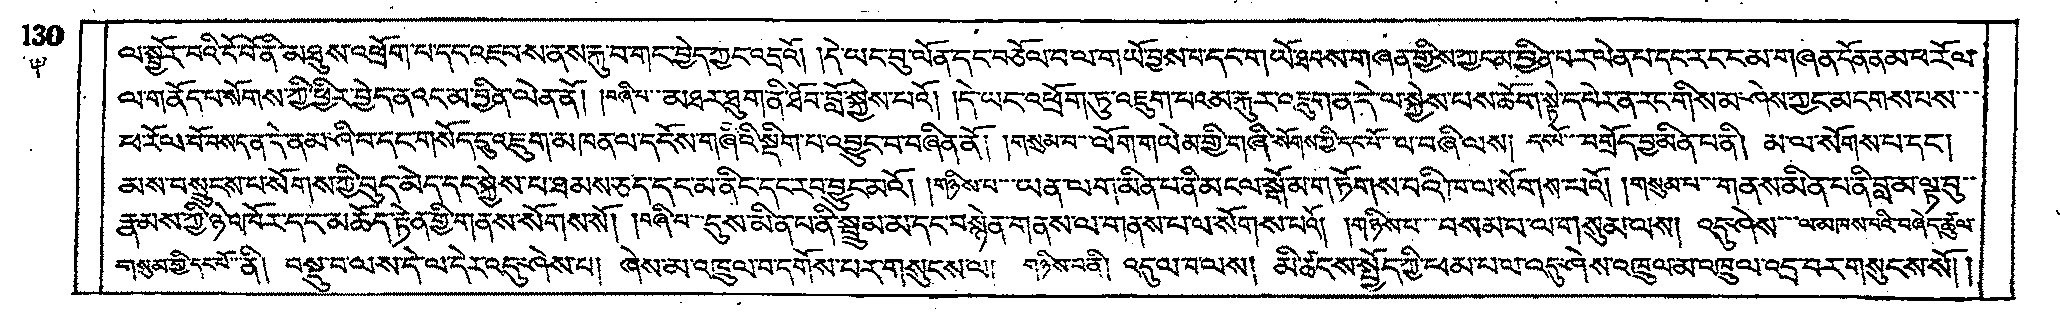ལ་སྦྱོར་བའི་ངོ་བོ་ནི་མཐུས་འཕྲོག་པ་དང་འཇབས་ནས་རྐུ་བ་གང་བྱེད་ཀྱང་འདྲའོ། །དེ་ཡང་བུ་ལོན་དང་བཅོལ་བ་ལ་གཡོ་བྱས་པ་དང་གཡོ་ཐབས་གཞན་གྱིས་ཀྱང་མ་བྱིན་པར་ལེན་པ་དང་རང་ངམ་གཞན་དོན་ནམ་ཕ་རོལ་
ལ་གནོད་པ་སོགས་ཀྱི་ཕྱིར་བྱེད་ནའང་མ་བྱིན་ལེན་ནོ། །བཞི་པོམཐར་ཐུག་ནི་ཐོབ་བློ་སྐྱེས་པའོ། །དེ་ཡང་འཕྲོག་ཏུ་འཇུག་པའམ་རྐུར་འཇུག་ན་དེ་ལ་ཀྶྱེས་པས་ཆོག་སྟེ་དཔེར་ན་རང་གིས་མ་ཤེ་སྐྱང་མངགས་པས་
ཕ་རོལ་པོ་བསད་ན་དེ་ནམ་ཤི་བ་དང་གསོད་དུ་འཇུག་མཁན་ལ་དངོས་གཞིའི་སྡིག་པ་འབྱུང་བ་བཞིན་ནོ། །གསུམ་པོལོག་གཡེམ་གྱི་གཞི་སོགས་ཀྱི་དང་པོལ་བཞི་ལས། དང་པོབགྲོད་བྱ་མིན་པ་ནི། མ་ལ་སོགས་པ་དང་།
མས་བསྲུངས་པ་སོགས་ཀྱི་བུད་མེད་དང་སྐྱེས་པ་ཐམས་ཅད་དང་མ་ནིང་དང་རབ་བྱུང་མའོ། །གཉིས་པཡན་ལག་མིན་པ་ནི་མངལ་སྒོ་མ་གཏོགས་པའི་ཁ་ལ་སོགས་པའོ། །གསུམ་པགནས་མིན་པ་ནི་བླ་མ་ལྟ་བུ་
རྣམས་ཀྱི་ཉེ་འཁོར་དང་མཆོད་རྟེན་གྱི་གནས་སོགས་སོ། །བཞི་པདུས་མིན་པ་ནི་སྦྲུམ་མ་དང་བསྙེན་ལ་གནས་པ་ལ་སོགས་པའོ། །གཉིས་པབསམ་པ་ལ་གསུམ་ལས། འདུ་ཤེསླ་མཁས་པའི་བཞེད་ཚུལ་
གསུམ་གྱི་དང་པོནི། བསྡུ་བ་ལས་དེ་ལ་དེར་འདུ་ཤེས་པ། ཞེས་མ་འཁྲུལ་བ་དགོས་པར་གསུངས་ལ། གཉིས་པ་ནི། ་འདུལ་བ་ལས། མི་ཚངས་སྤྱོད་ཀྱི་ཕམ་པ་ལ་འདུ་ཤེས་འཁྲུལ་མ་འཁྲུལ་འདྲ་བར་གསུངས་སོ། །